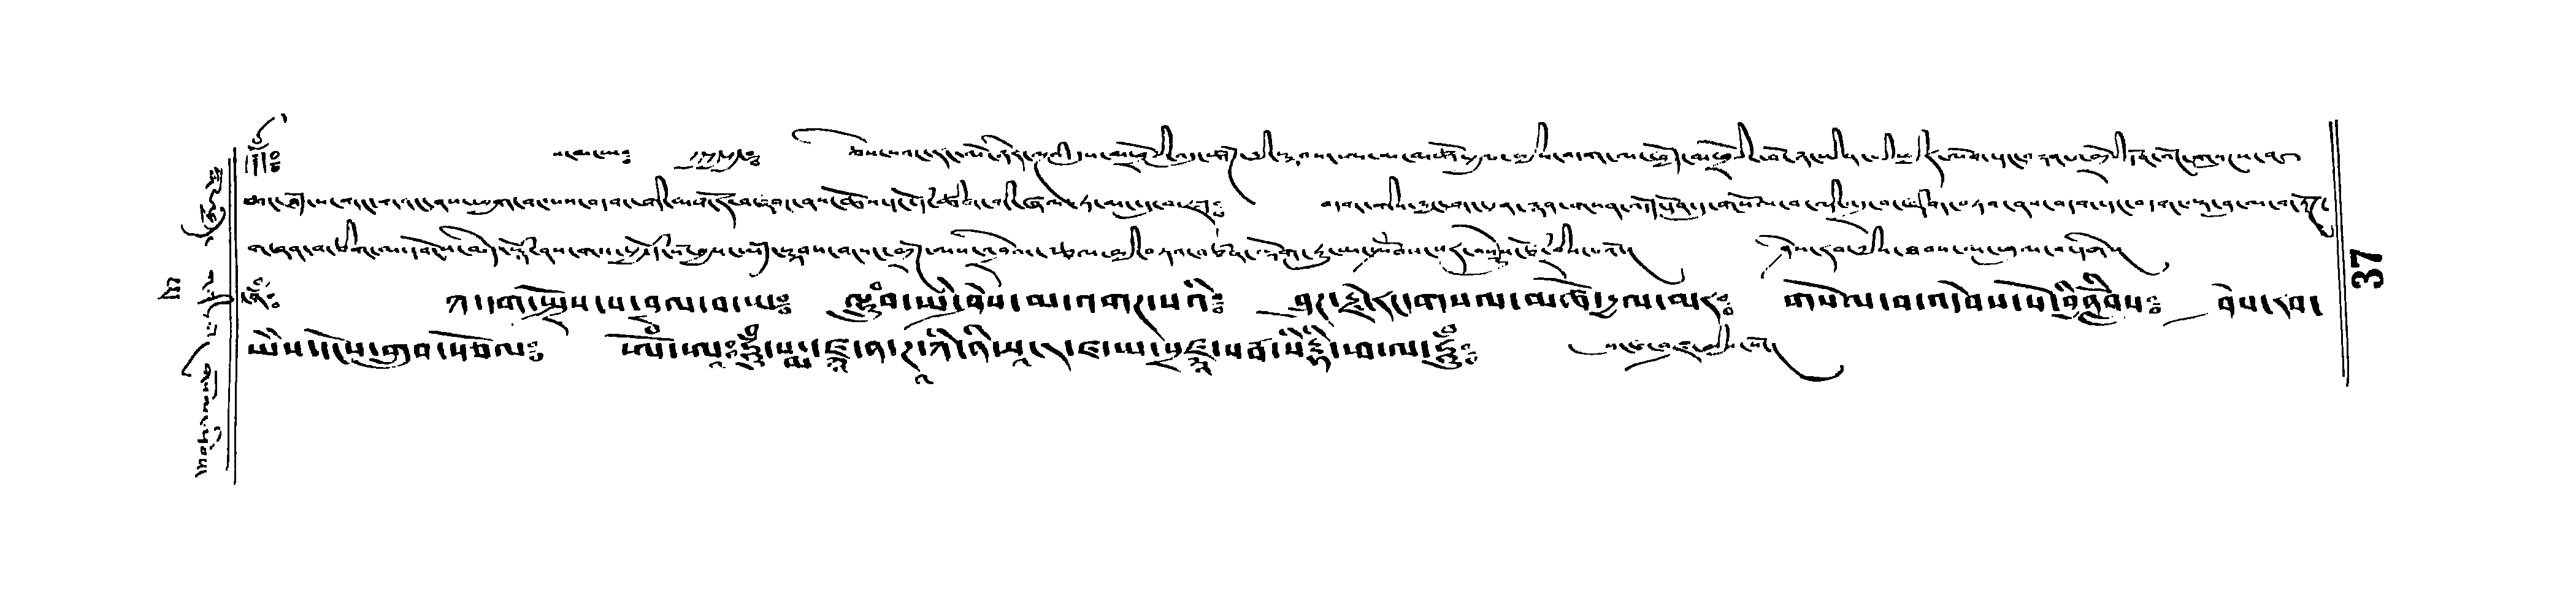ས་མ་ཡ༔ རྒྱ་རྒྱ་རྒྱ༔ ཅེས་པའང་རང་ལོ་ཉེར་ལྔའི་དུས་མཁའ་འགྲོའི་འདུ་ཚོགས་ཀྱི་སྐབས་ཨ་མ་མཚོ་རྒྱལ་གྱིས་བདག་ལ་ཁྱོད་མཁའ་འགྲོའི་ཕོ་ཉ་ཡིན་པས་ཕྱིར་ལོག་དང་བསྟན་འགྲོའི་དོན་འོང་གསུངས་ནས་
ཆང་ཐོད་པ་གང་གནང་ནས་ཕྱག་གཡས་བདག་གི་མགོར་བཞག་ནས་ཆོས་དང་དམ་ཚིག་གི་ཞལ་ཏ་མང་དུ་མཛད༔བདག་གིས་ཀྱང་གང་དྲན་སྙན་གསན་འདོད་དོན་དུ་གསོལ་བ་འདི་འདྲ་བ་ཞིག་བཏབ་ནས་བདག་དང་བདག་ལྟ་བུ་མ་གཏོགས་
གཞན་སུ་གཅིག་ལ་དགོས་པ་མེད་སྙམ་ནས་གསང་རྒྱ་དམ་པོ་བྱས་ཡོད་སྐབས་གསང་གྲོགས་ལས་འབྲེལ་རྩལ་གྱི་བཀའ་བཙན་ལྡོག་ཏུ་མ་སྤོབས་པར་བསྡུས་ཙམ་བྲིས་པའོ།། ཤེས་རབ་ཀྱིས་ཐབས་ལ་ཕུལ་བ་
དགེ ཀ་དག་སྤྲོས་པ་བྲལ་བ་ཡ༔ ལྷུན་གྲུབ་ཡེ་ཤེས་མ་འགགས་པ༔ ཐུགས་རྗེ་རང་གསལ་མཚོ་རྒྱལ་མར༔ གསོལ་བ་འདེབས་སོ་བྱིན་གྱིས་རློབས༔ ཤེས་རབ་
ཡེ་ཤེས་དངོས་གྲུབ་སྩོལ༔ ཨོཾ་ཨཱཿཧཱུྃ་པདྨ་ཛྙཱ་ན་ཌཱ་ཀི་ནི་སཱ་ར་ཛ་ཡ་པྲཛྙཱ་སརྦ་སིདྡྷི་ཕ་ལ་ཧཱུྃ༔ སུ་ཁ་བཛྲ་གྱིས་སོ།།